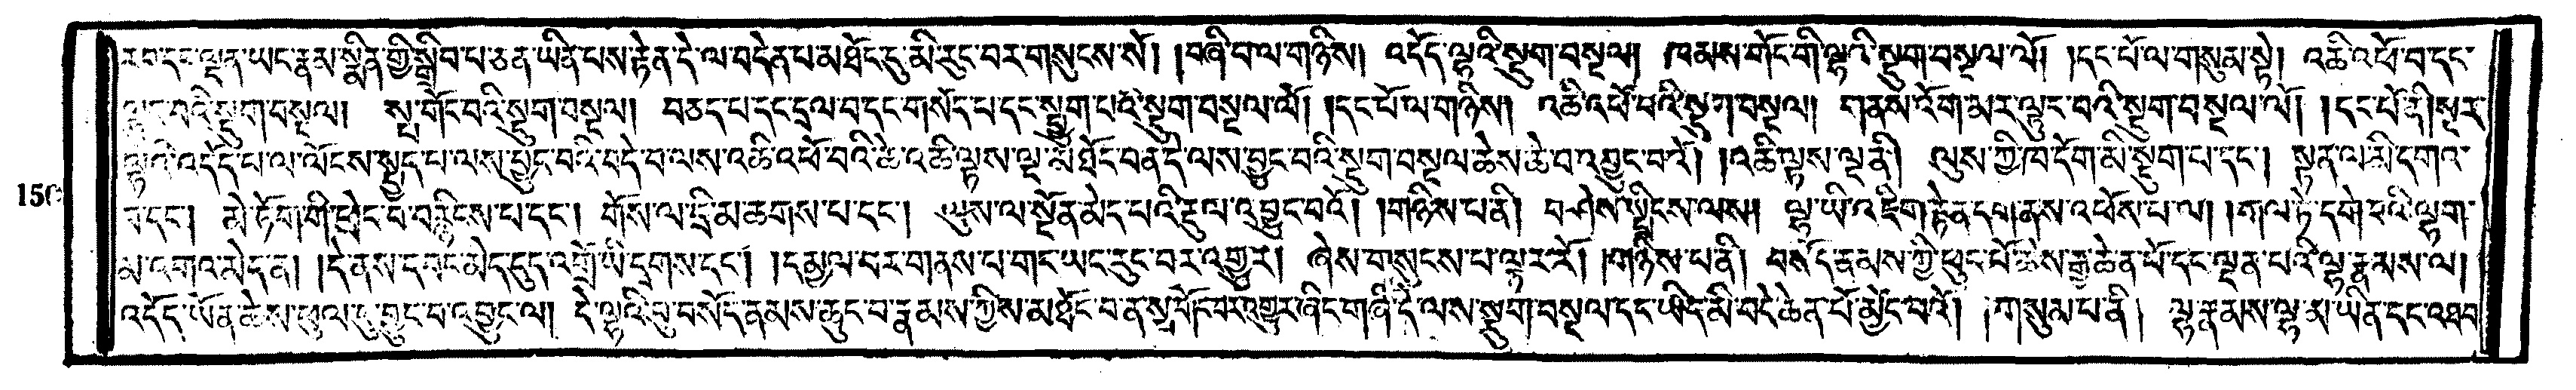རབ་དང་ལྡན་ཡང་རྣམ་སྨིན་གྱི་སྒྲིབ་པ་ཅན་ཡིན་པས་རྟེན་དེ་ལ་བདེན་པ་མཐོང་དུ་མི་རུང་བར་གསུངས་སོ། །བཞི་པ་ལ་གཉིས། འདོད་ལྷའི་སྡུག་བསྔལ། ཁམས་གོང་གི་ལྷའི་སྡུག་བསྔལ་ལོ། །དང་པོ་ལ་གསུམ་སྟེ། འཆི་འཕོ་བ་དང་
ལྷུང་བའི་སྡུག་བསྔལ། སྤ་གོང་བའི་སྡུག་བསྔལ། བཅད་པ་དང་དྲལ་བ་དང་གསོད་པ་དང་སྦྱུག་པའི་སྡུག་བསྔལ་ལོ། །དང་པོ་ལ་གཉིས། འཆི་འཕོ་བའི་སྡུག་བསྔལ། གནས་འོག་མར་ལྟུང་བའི་སྡུག་བསྔལ་ལོ། །དང་པོ་ནི། སྔར་
ལྟའི་འདོད་པ་ལ་ལོངས་སྤྱད་པ་ལས་བྱུང་བའི་བདེ་བ་ལས་འཆི་འཕོ་བའི་ཆེ་འཆི་ལྟས་ལྔ་མཐོང་བ་ན་དེ་ལས་བྱུང་བའི་སྡུག་བསྔལ་ཆེས་ཆེ་བ་འབྱུང་བའོ། །འཆི་ལྟས་ལྔ་ནི། ལུས་ཀྱི་ཁ་དོག་མི་སྡུག་པ་དང་། སྟན་ལ་མི་དགའ་
བ་དང་། མེ་ཏོག་གི་ཕྲེང་བ་བརྙིངས་པ་དང་། གོས་ལ་དྲི་མ་ཆགས་པ་དང་། ལུས་ལ་སྔོན་མེད་པའི་རྡུལ་འབྱུང་བའོ། །གཉིས་པ་ནི། བཤེས་སྤྲིངས་ལས། ལྷ་ཡི་འཇིག་རྟེན་དག་ནས་འཕོས་པ་ལ། །གལ་ཏེ་དགེ་བའི་ལྷག་
མ་འགའ་མེད་ན། །དེ་ནས་དབང་མེད་དུད་འགྲོ་ཡི་དྲགས་དང་། །དམྱལ་བར་གནས་པ་གང་ཡང་རུང་བར་འགྱུར། ཞེས་གསུངས་པ་ལྟར་རོ། །གཉིས་པ་ནི། བསོད་ནམས་ཀྱི་ཕུང་པོ་ཆེས་རྒྱ་ཆེན་པོ་དང་ལྡན་པའི་ལྷ་རྣམས་ལ།
འདོད་ཡོན་ཆེས་ཕུལ་དུ་བྱུང་བ་འབྱུང་ལ། དེ་ལྷའི་བུ་བསོད་ནམས་ཆུང་བ་རྣམས་ཀྱིས་མཐོང་བ་ན་སྤ་གོང་བར་འགྱུར་ཞིང་གཞི་དེ་ལས་སྡུག་བསྔལ་དང་ཡིད་མི་བདེ་ཆེན་པོ་མྱོང་བའོ། །གསུམ་པ་ནི། ལྷ་རྣམས་ལྷ་མ་ཡིན་དང་འཐབ་